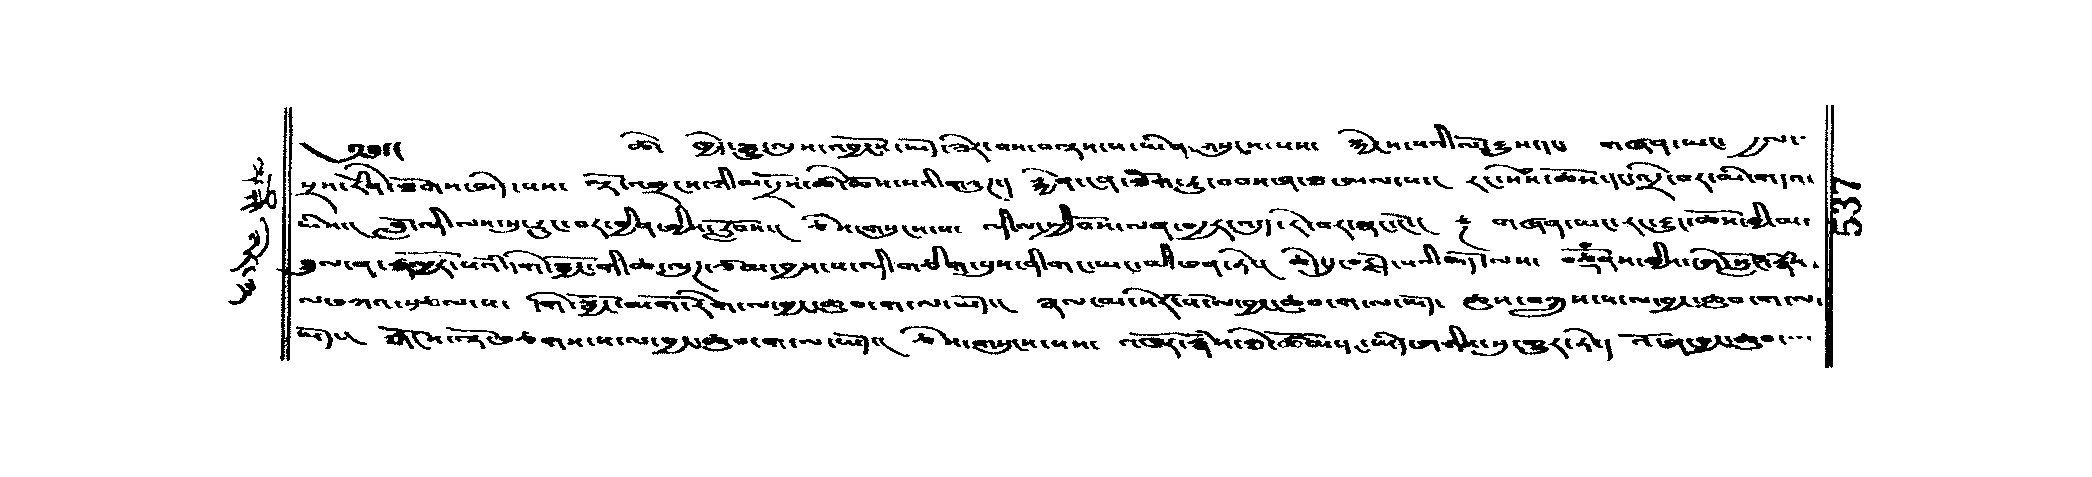ཚེ། ཁྱེད་སྒྱུ་ལུས་འབྱོངས་ཡོད་ཟེར་བས་བལྟས་པ་ཡིན་གསུངས་པས། སྐྱེངས་པའི་ལོ་རྒྱུས་དང་། གཞན་ཡང་། རྒྱལ་
སྲས་རིན་པོ་ཆེ་ཐོགས་མེད་པས། ལྟོ་འགྲངས་ཉི་མ་དྲོས་ཚེ་ཆོས་པའི་གཟུགས། །རྐྱེན་ངན་ཐོག་ཏུ་བབས་ན་ཐ་མལ་པ། །རང་སེམས་ཆོས་དང་འདྲེས་བར་མི་གདའ་
ཡིས། །བློ་འདི་ལས་སུ་རུང་བར་བྱིན་གྱིས་རློབས། ཅེས་གསུངས་པ། འདི་ལ་སྤྱི་བོས་ལན་བརྒྱར་འདུད་རེ་བར་སྣང་ངོ་། གཞན་ཡང་རང་རྒྱུད་ཆོས་ཀྱི་མ་
འཐུལ་ན་རྣལ་འབྱོར་པའམ་དགེ་སྦྱོང་གི་ཆ་ལུགས་ཙམ་བྱས་པ་འདི་གཅིག་པུས་ནི་གང་ཡང་མི་ཕན་ཏེ། ཆེད་དུ་བརྗོད་པའི་མདོ་ལས། བཅོམ་ལྡན་འདས་ཀྱིས་དགེ་སློང་རྣམས་
ལ་བཀའ་བསྩལ་པ། དགེ་སྦྱོང་མགོ་རེག་ལ་བྱང་ཆུབ་ག་ལ་ཡོད། སྣལ་མ་སེར་པོ་ལ་བྱང་ཆུབ་ག་ལ་ཡོད། ཆུས་བཀྲུས་པ་ལ་བྱང་ཆུབ་ག་ལ་
ཡོད། དགོང་ལྟོ་བཅག་པ་ལ་བྱང་ཆུབ་ག་ལ་ཡོད། ཅེས་གསུངས་པས། འཁོར་རྣམས་ཐེ་ཚོམ་དང་ཡིད་གཉིས་སུ་གྱུར་ཏེ། འོ་ན་བྱང་ཆུབ་